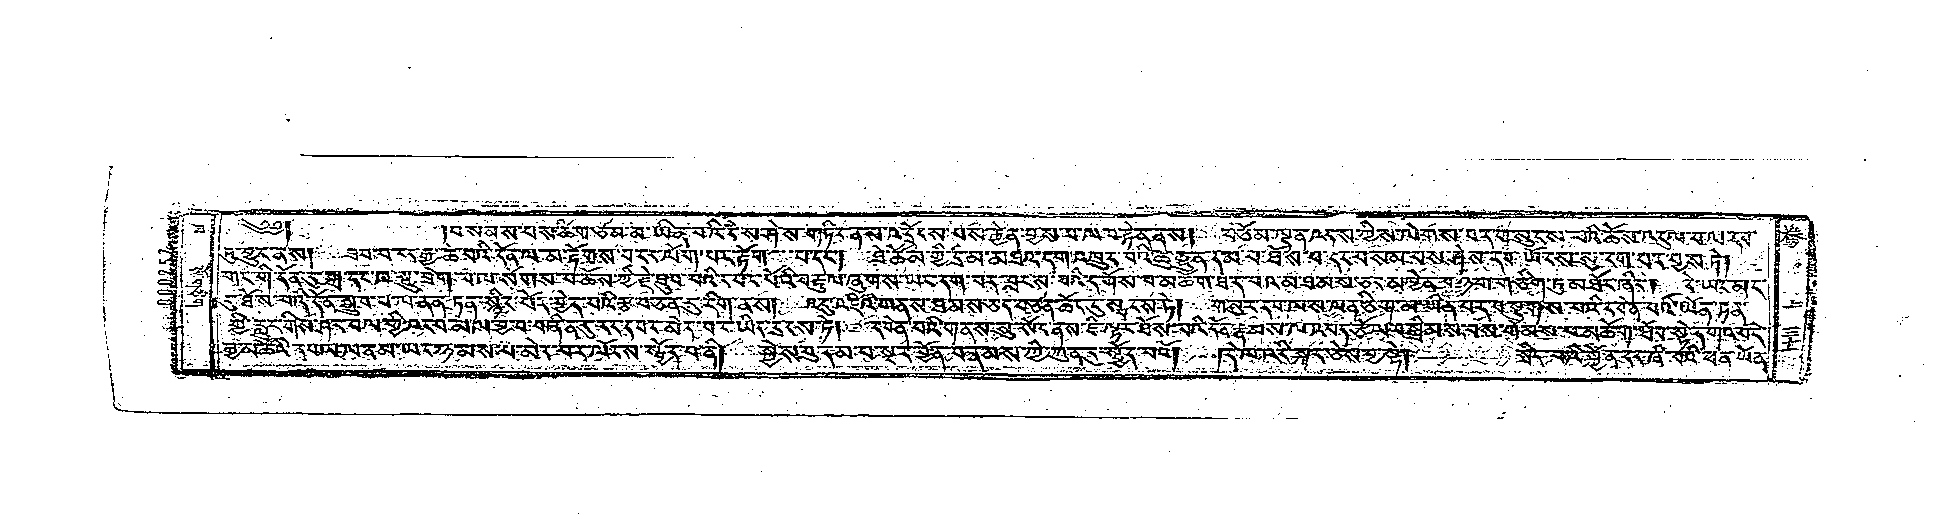༄༅། །བསམས་བས་ཚིག་ཙམ་མ་ཡིན་པའི་ངེས་ཤེས་གཏིང་ནས་འདྲོངས་པས་རྐྱེན་བྱས་པ་ལ་བརྟེན་ནས། བཅོམ་ལྡན་འདས་ཀྱིས་ལེགས་བར་གསུངས་པའི་ཆོས་འདུལ་བ་ལ་རབ་
ཏུ་བྱུང་ནས། ཟབ་པ་དང་རྒྱ་ཆེ་བའི་དོན་ལ་མ་རྟོགས་པ་དང་ལོག་པར་རྟོག་པ་དང་། ཐེ་ཚོམ་གྱི་དྲི་མ་མཐའ་དག་འཁྲུང་བའི་ཆུ་རྒྱུན་དམ་པ་ཐོས་པ་དང་བསམ་པས་ཤེས་རབ་ཡོངས་སུ་དག་པར་བྱས་ཏེ།
གང་གི་དོན་དུ་ཀྲ་དང་ཁ་སྤུ་བྲེག་པ་ལ་སོགས་པ་ཆོས་ཀྱི་རྗེ་ཐུབ་བའི་དབང་པོའི་བརྟུལ་ཞུགས་ཡང་དག་པར་བླངས་བའི་དགོས་པ་མཆོག་ཐར་པའམ་ཐམས་ཅད་མཁྱེན་པ་ཉག་གཅིག་ཏུ་མཐོང་ཞིང་། དེ་ཡང་མང་
དུ་ཐོས་པའི་དོན་སྒྲུབ་པ་ལ་ནན་ཏན་སྙིང་པོར་བྱེད་པའི་རྩ་བ་ཅན་དུ་རིག་ནས། འདུ་འཇིའི་གནས་ཐམས་ཅད་བཙན་ཆོད་དུ་སྤངས་ཏེ། གསུང་རབ་ལས་ལན་ཅིག་མ་ཡིན་པར་བསྡུས་པའི་དབེན་པའི་ཡོན་ཏན་
གྱི་རླུང་གིས་ཤར་བལ་གྱི་འདབ་མ་ལ་བྱ་བ་བཞིན་དུ་རང་དབང་མེད་པར་ཡིད་དྲངས་ཏེ། དབེན་པའི་གནས་སུ་སོང་ནས་ཇི་ལྟར་ཐོས་པའི་དོན་རྣམས་ལ་འབད་རྩོལ་བསྒྲིམས་པས་གོམས་པ་མཆོག་ཐོབ་སྟེ་དགའ་བདེ་
རྒྱ་མཚོའི་དཔལ་ལན་མ་ཡང་ཉམས་པ་མེད་པར་ལོངས་སྤྱོད་པ་ནི། སྐྱེས་བུ་དམ་པ་སྔར་བྱོན་པ་རྣམས་ཀྱི་ཀུན་དུ་སྤྱོད་པའོ། །དེ་ལ་འདི་སྐད་ཅེས་བྱ་སྟེ། སྲིད་པའི་སྐྱོན་དང་ཞི་བའི་ཕན་ཡོན་